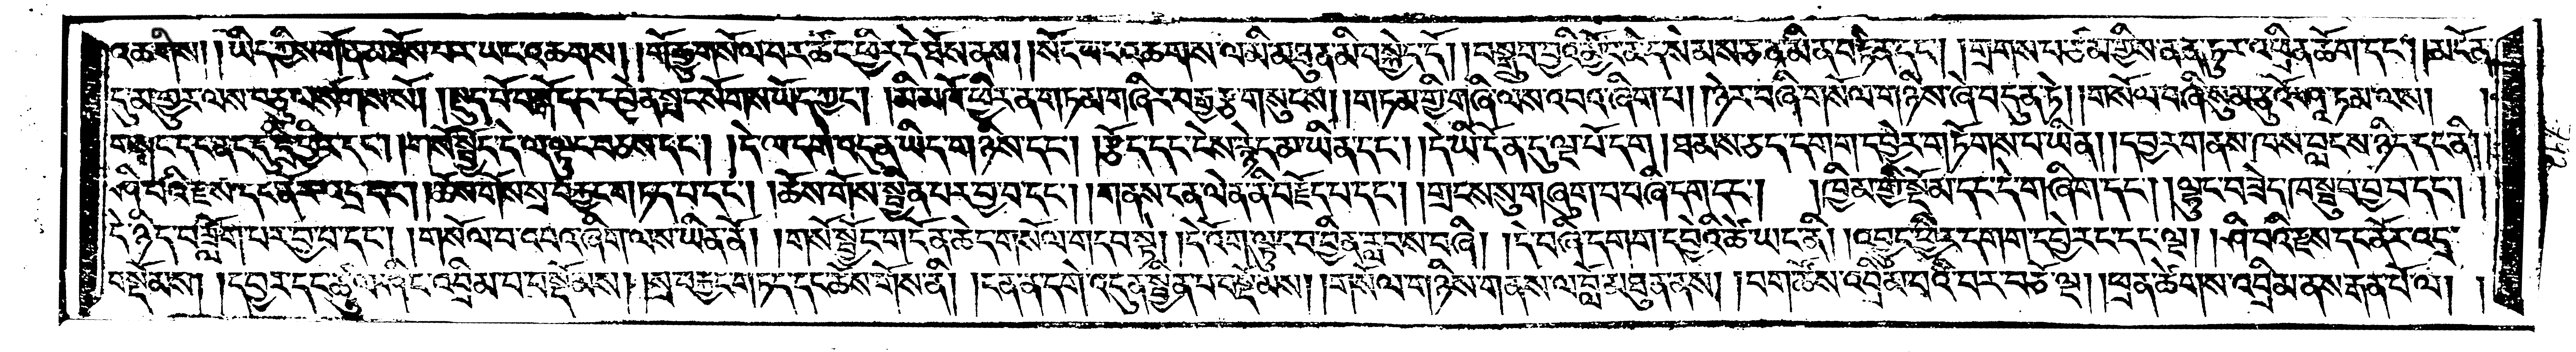འཆགས། །ཡིད་ཀྱིས་གོ་ན་མ་ཐོས་པར་ཡང་འཆགས། །གོ་རྒྱུ་གསོལ་བར་ཚང་ཕྱིར་དེ་ཐོས་ནས། །སོང་ཡང་འཆགས་ལ་མི་མཐུན་མི་བསྐྱེད་དོ། །བསྒྲུབ་བྱའི་མྱོང་མེད་སེམས་ཅན་མིན་བརྟེན་དང་། །གྲགས་པ་ཙམ་གྱིས་ནན་ཏུར་འཕྲིན་ཆོག་དང་། །མངོན་
དུ་མ་གྱུར་ལས་བཅུལ་སོགས་སོ། །སྡུད་བོ་བསྐོ་དང་དབྱན་སྤང་སོགས་ཡོད་ཀྱང་། །མི་མཁོ་ཕྱིར་ན་གཏམ་གཞིར་བརྒྱ་རྩ་གསུངས། །གཏམ་གྱི་གཞི་ལས་འབའ་ཞིག་པ། །ཉེར་བཞི་གསོལ་གཉིས་ཞེ་བདུན་ཏེ། །གསོལ་བཞི་སུམ་ཅུའོ་ཤཱ་ཏམ་ལས། །
གསད་དང་ནང་དུ་དྲི་ཕྱིར་དང་། །གསོ་སྦྱོང་དེ་ལ་ལྟུང་བཅས་དང་། །དེ་ལ་དགེ་འདུན་ཡིད་གཉིས་དང་། །རྩོད་དང་ངེས་རྙེད་མ་ཡིན་དང་། །དེ་ཡི་དོན་དུ་ལྔ་པོ་དག །ཐམས་ཅད་དགག་དབྱེར་གཏོགས་པ་ཡིན། །དབྱར་གནན་ཁས་བླངས་ཉིད་དང་ནི། །
ཤི་བའི་རྫས་དང་ནོར་འདྲ་དང་། །ཆོས་གོས་ས་བརྐྱང་གཏད་བ་དང་། །ཆོས་གོས་སྦྱིན་བར་བྱ་བ་དང་། །གནས་ངན་ལེན་ནི་བརྗོད་པ་དང་། །གྲངས་སུ་གཞུག་བ་བཞི་དག་དང་། །ཁྱིམ་གྱི་སྡོམ་དང་དེ་ག་ཞིག་དང་། །ལྷུང་གཟག་ཁ་སྦུབ་བྱ་བ་དང་། །
དེ་ཉིད་བཟློག་པར་བྱས་དང་། །གསོལ་བ་འབའ་ཞིག་ལས་ཡིན་ནོ། །གསོ་སྦྱོང་གདོན་ཆེད་གསོལ་གདབ་སྟེ། །དེ་འོག་ལྟུང་བ་བྱིན་རླབས་བཞི། །དེ་བཞི་དགག་དབྱེའི་ཚེ་ཡང་ནི། །འབྱུང་ཕྱིར་དགག་དབྱེ་རང་དང་ལྔ། །ཤི་བའི་རྫས་དང་ནོར་འདྲ་
བསྡོམས། །དབྱར་དང་ཚུལ་ཤིང་འབྲིམ་བ་བསྡོམས། །སྲ་བརྐྱང་གཉད་དང་ཆོས་གོས་ནི། །ངན་ན་དགེ་འདུན་སྦྱིན་པ་བསྡོམས། །གསོལ་གཉིས་གནས་ལ་བློ་མཐུན་ནས། །བག་ཚོས་འབྲིམ་པའི་བར་བཅོ་ལྔ། །ཕྲན་ཚེགས་འབྲིམ་ནས་རྒན་ཡོལ། །